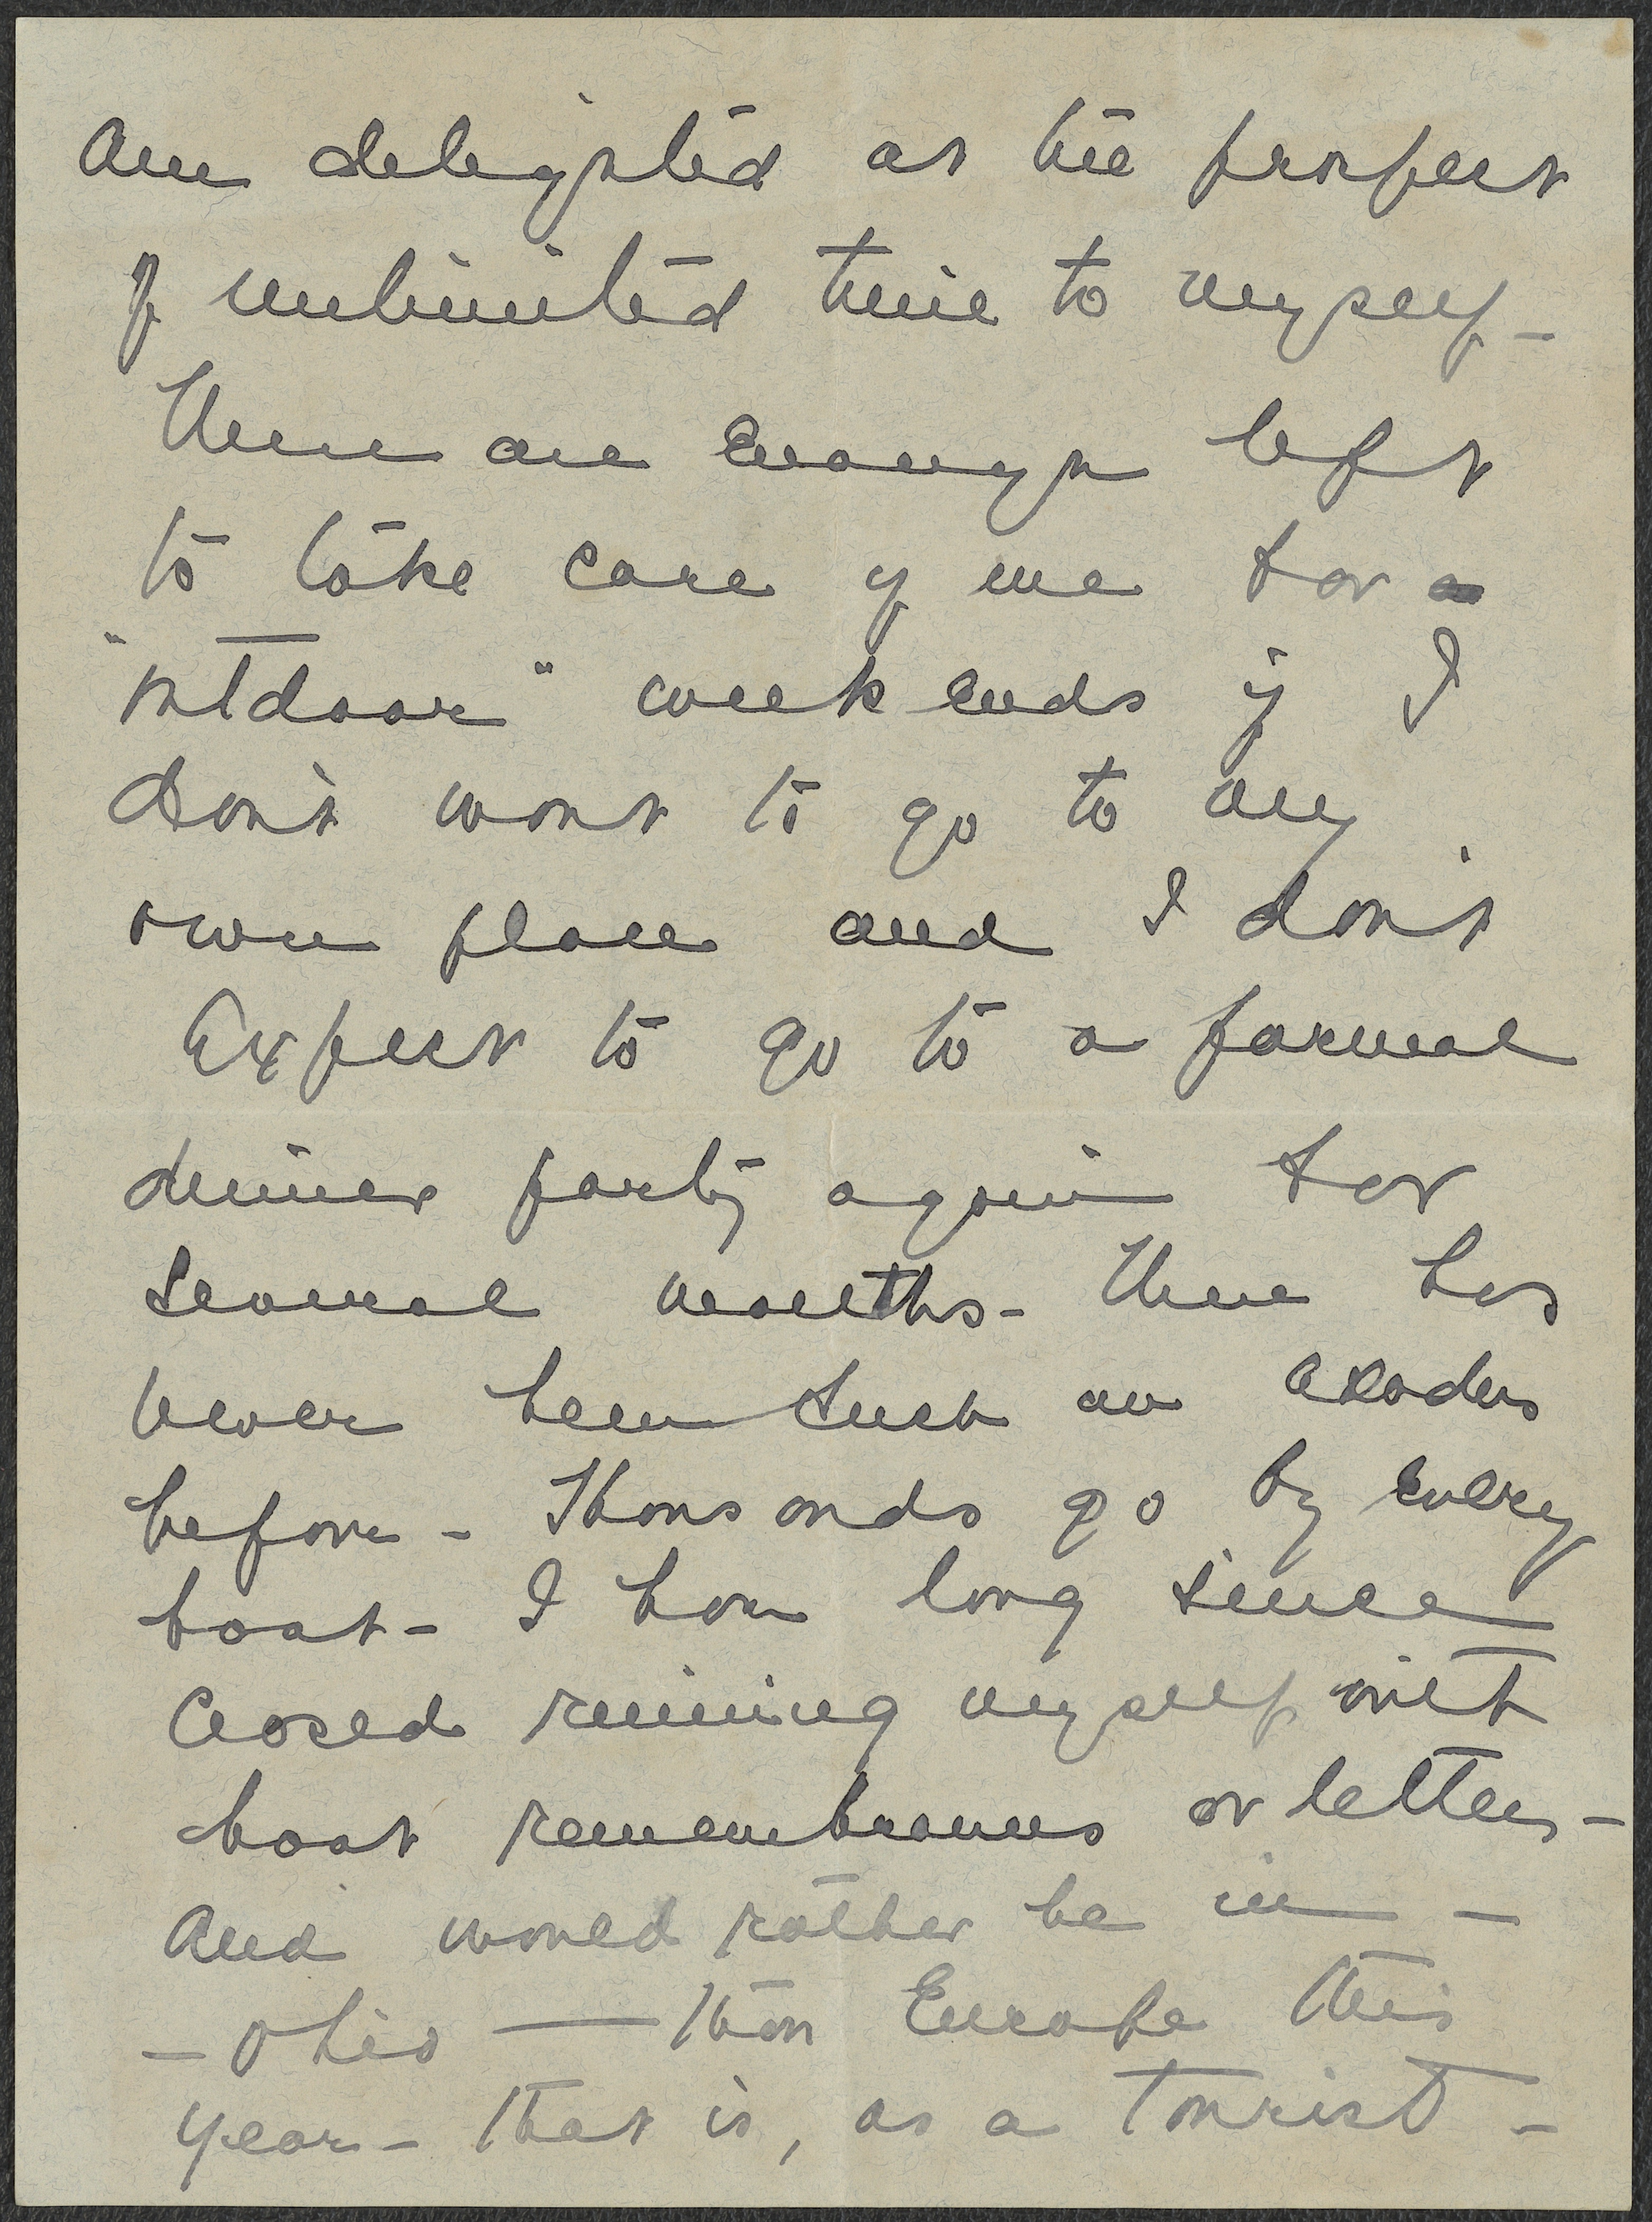am delighted at the prospect of unlimited time to myself – there are enough left to take care of me for a “outdoor” week ends if I don’t want to go to my own place and I don’t expect to go to a formal dinner party again for several months – there has never been such an exodus before – thousands go by every boat – I have long since ceased ruining myself with boat remembrances or letters – and would rather be in – Ohio – than Europe this year – that is, as a tourist –